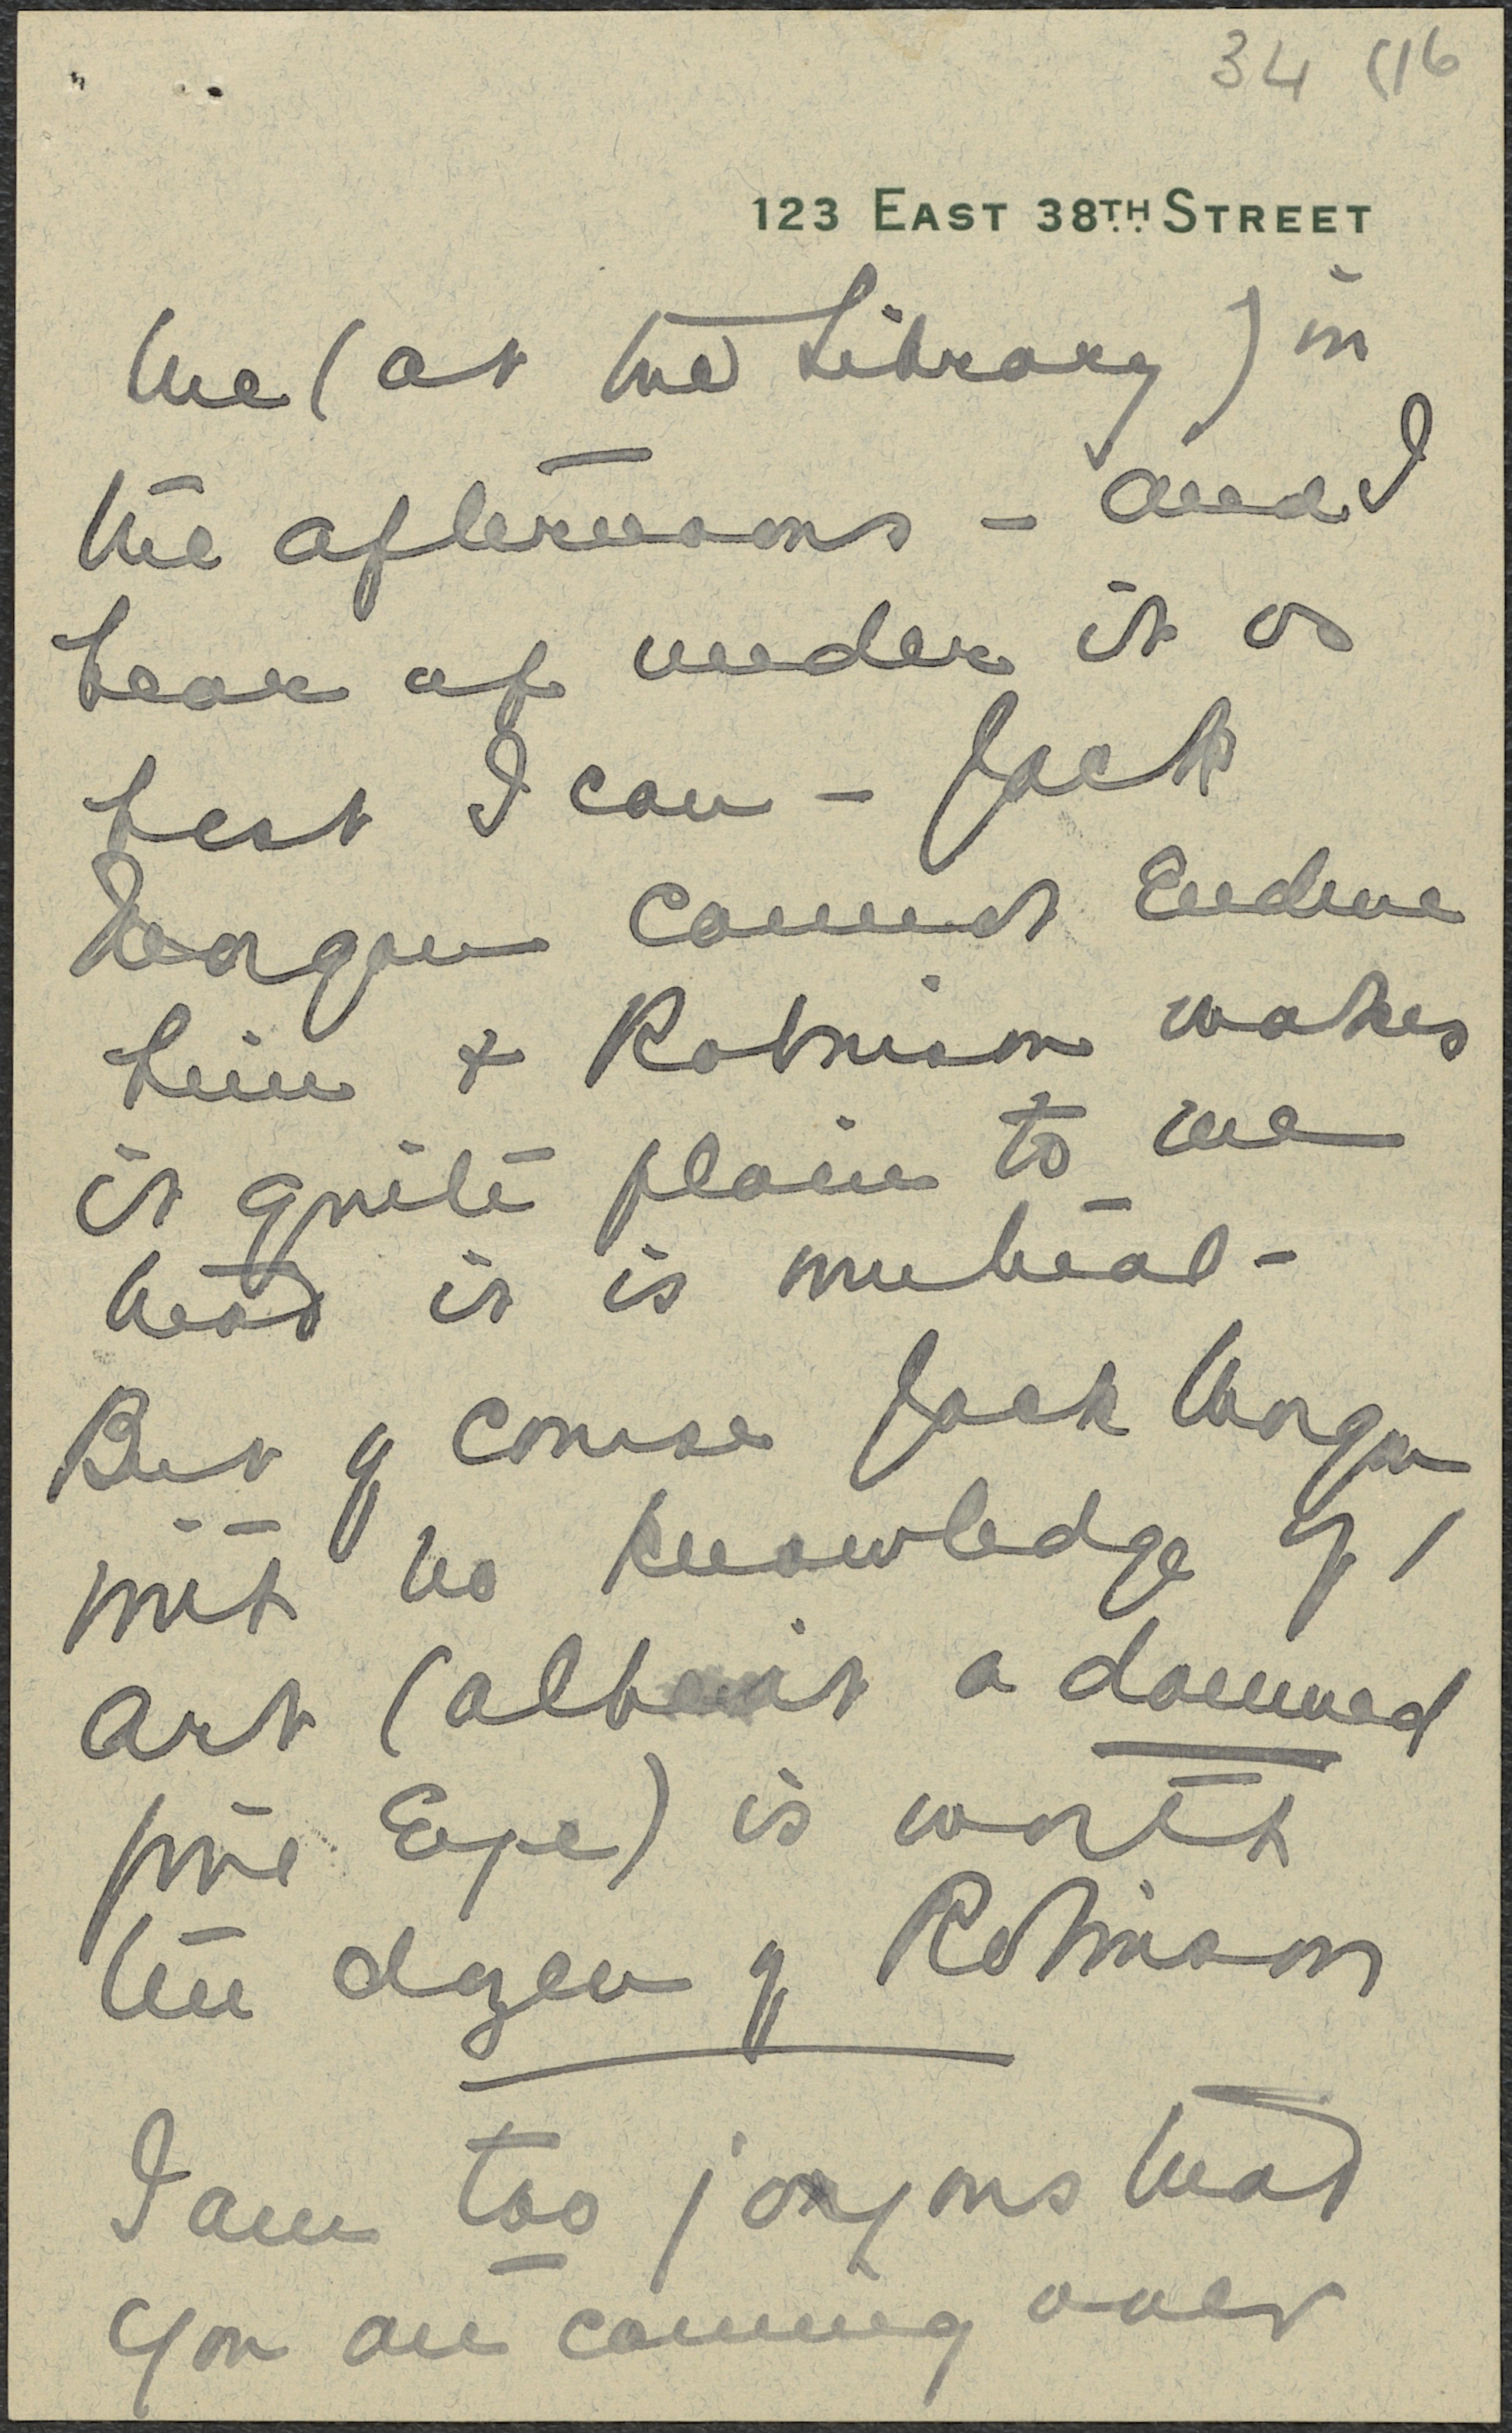me (at the Library) in the afternoons – and I bear up under it as best I can – Jack Morgan cannot endure him & Robinson makes it quite plain to me that it is mutual – But of course Jack Morgan, with no knowledge of art (albeit a damned fine eye) is worth ten dozen of Robinson
I am too joyous that you are coming over